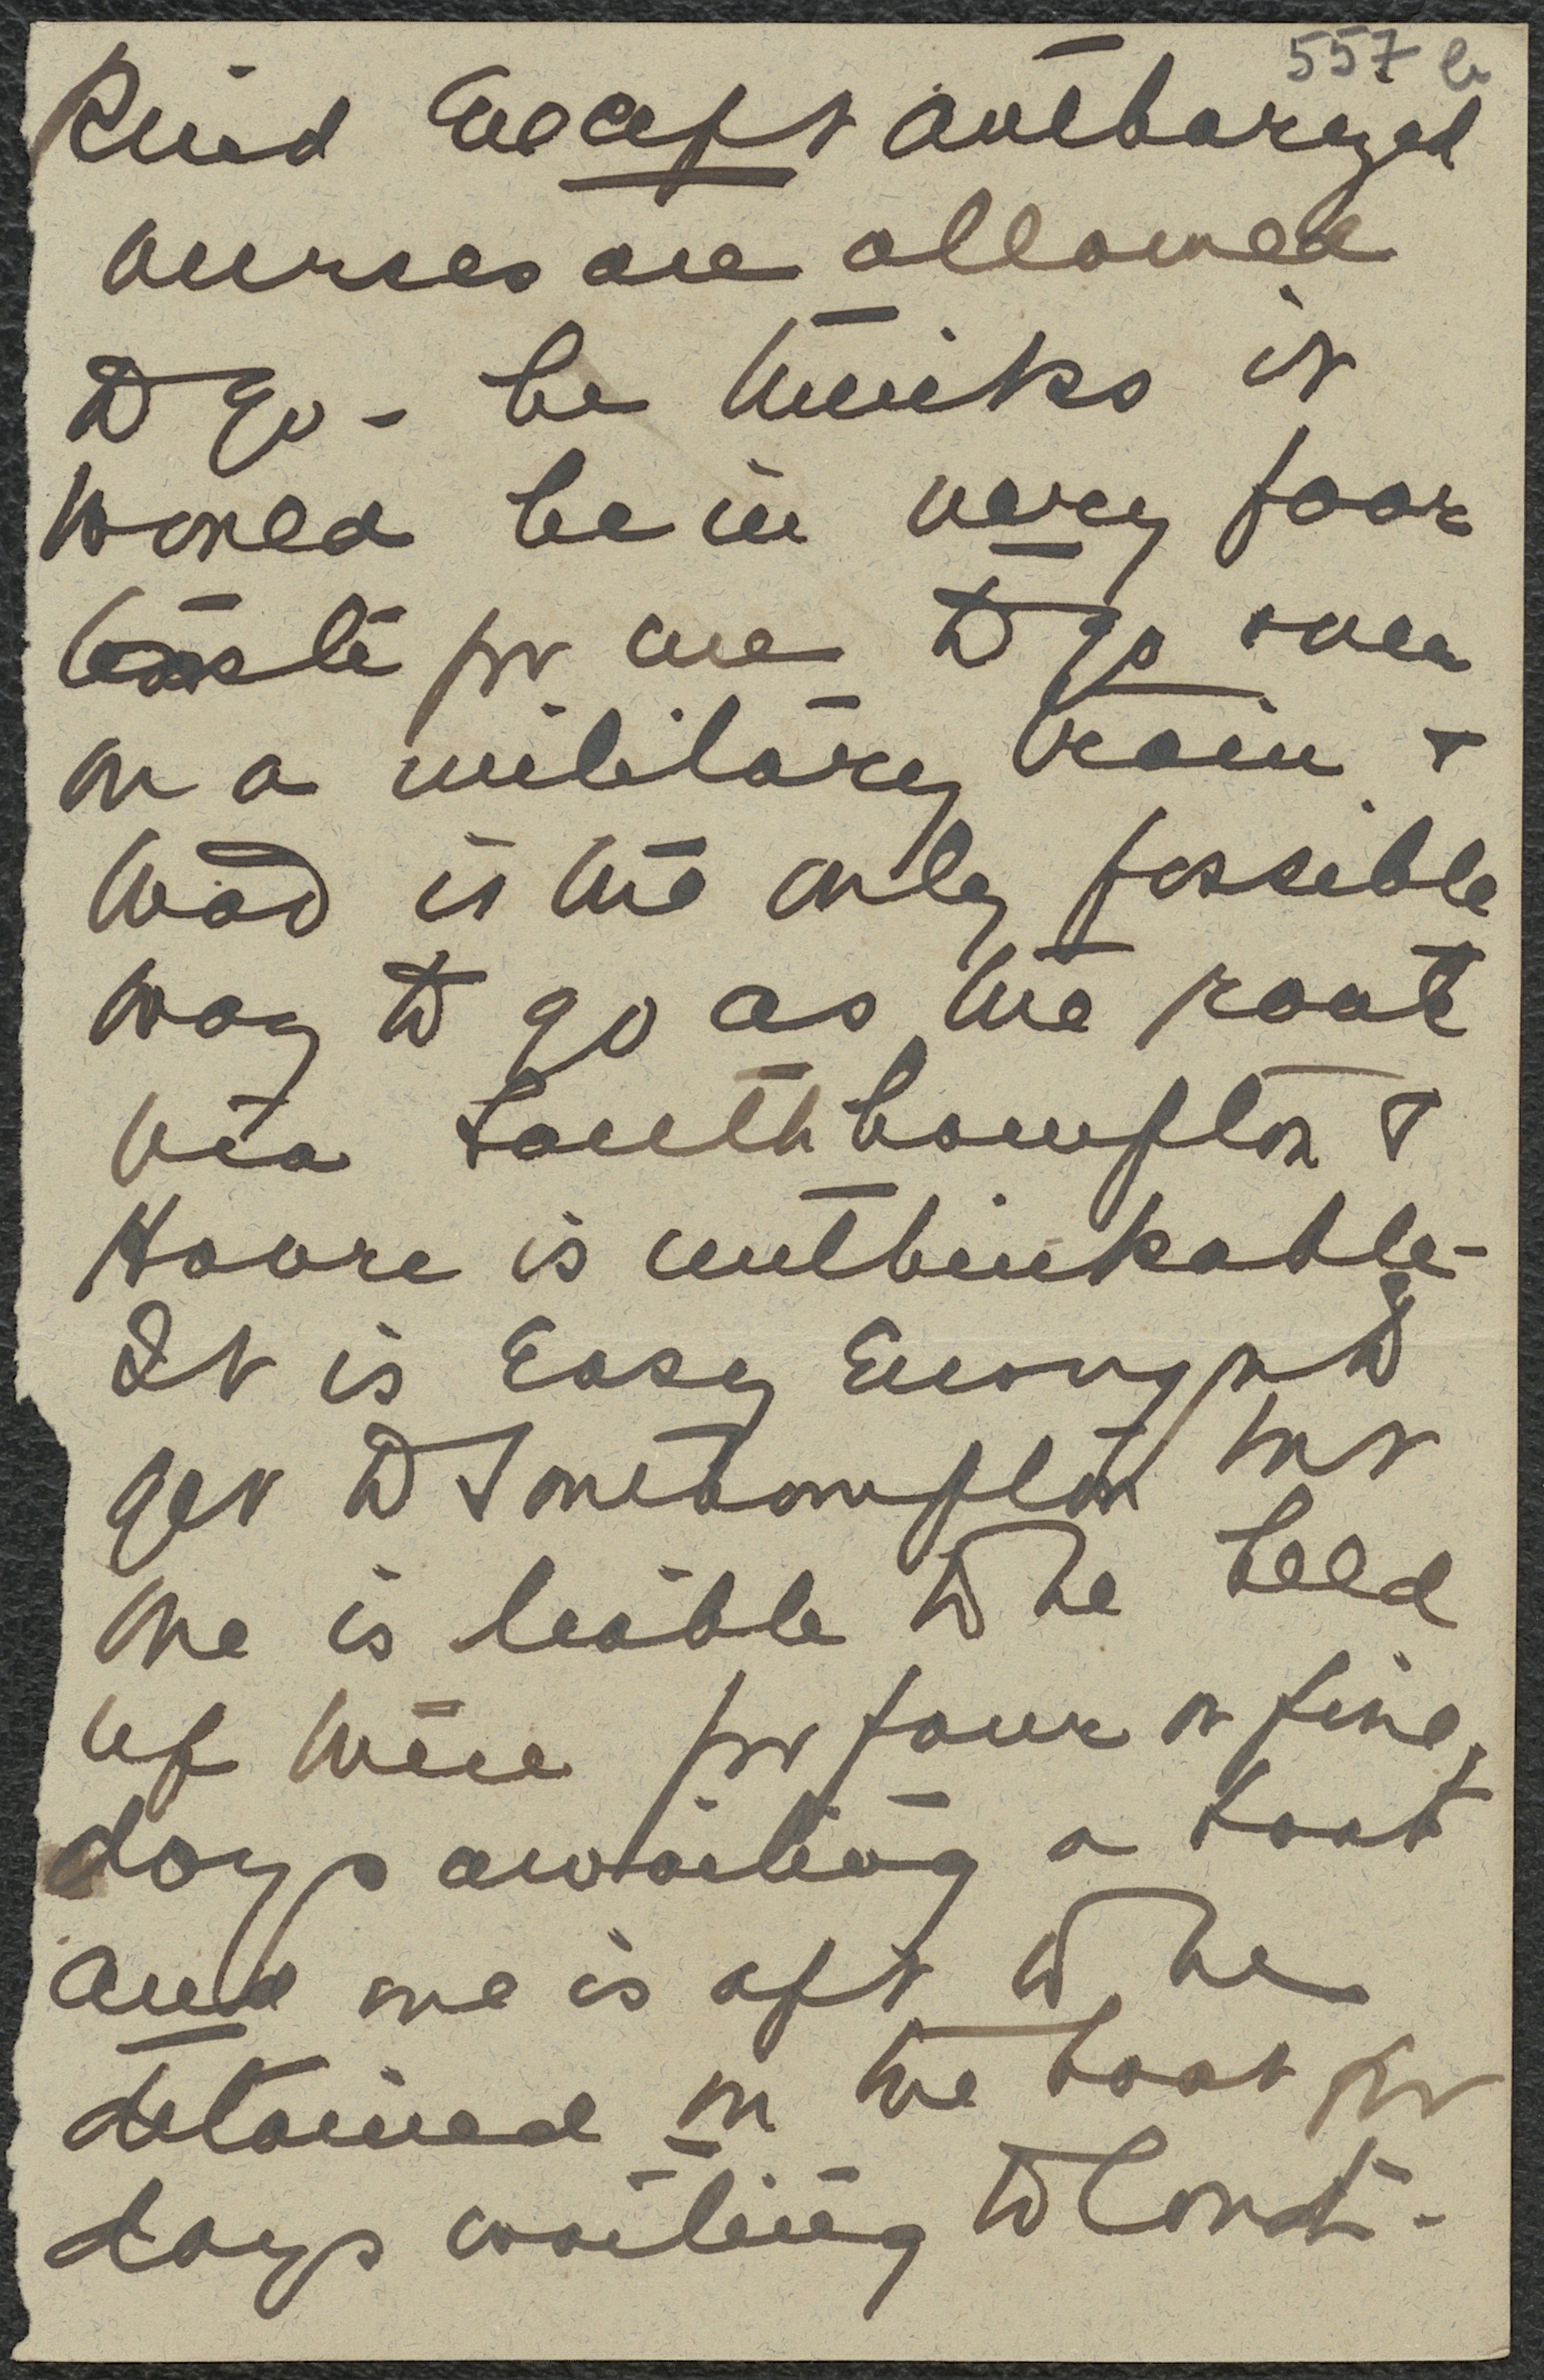kind except authorized nurses are allowed to go – he thinks it would be in very poor taste for me to go over on a military train & that is the only possible way to go as the route via Southhampton [sic] & Havre is unthinkable –
It is easy enough to get to Southampton but one is liable to be held up there for four or five days awaiting a boat and one is oft to be detained on the boat for days waiting to land –